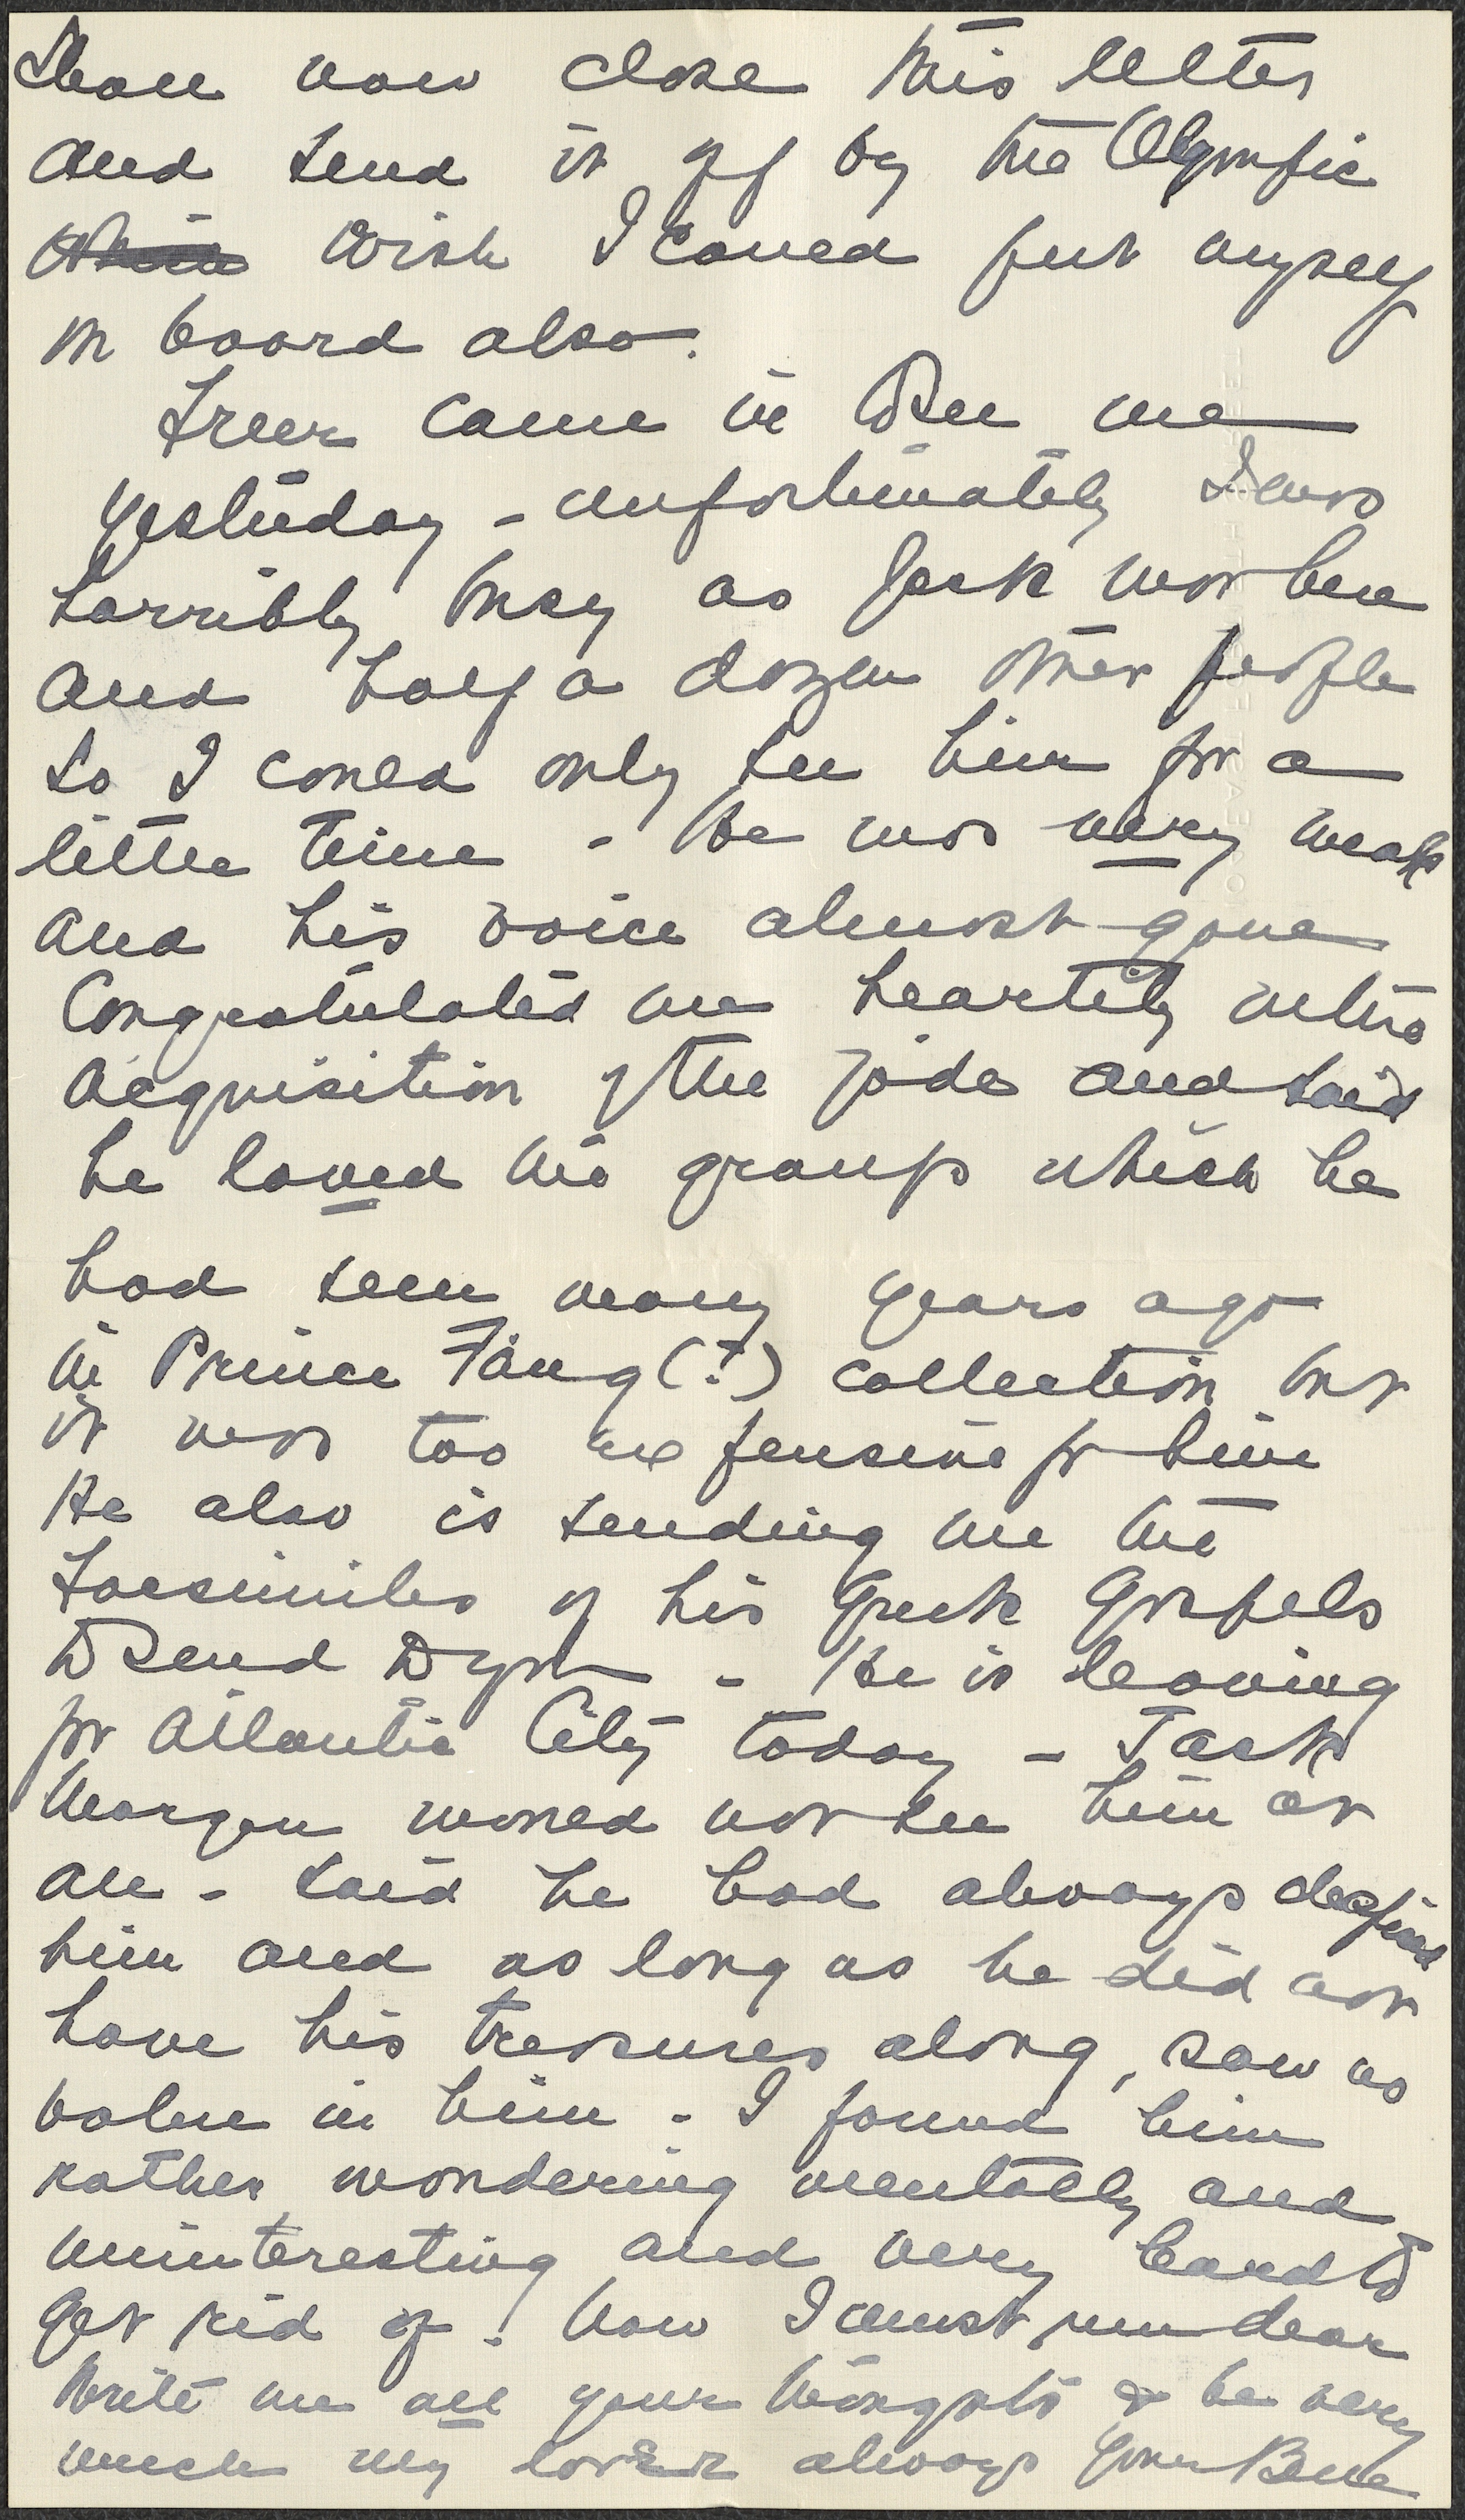shall now close this letter and send it off by the Olympic while wish I could put myself on board also.
Freer came in to see me yesterday – unfortunately I was horribly busy as Jack was here and half a dozen other people so I could only see him for a little time – He was very weak and his voice almost gone Congratulated me heartily on the acquisition of the jade and said he loved the group which he had seen many years ago in Prince Tang (?) collection but it was too expensive for him
He also is sending me the facsimiles of his Greek Gospels to send to you – He is leaving for Atlantic City today – Jack Morgan would not see him at all – said he had always despised him and as long as he did not have his treasures along, saw no value in him – I found him rather wandering mentally and uninteresting and very hard to get rid of. Now I must run dear
Write me all your thoughts & be very much my lover always Your Belle